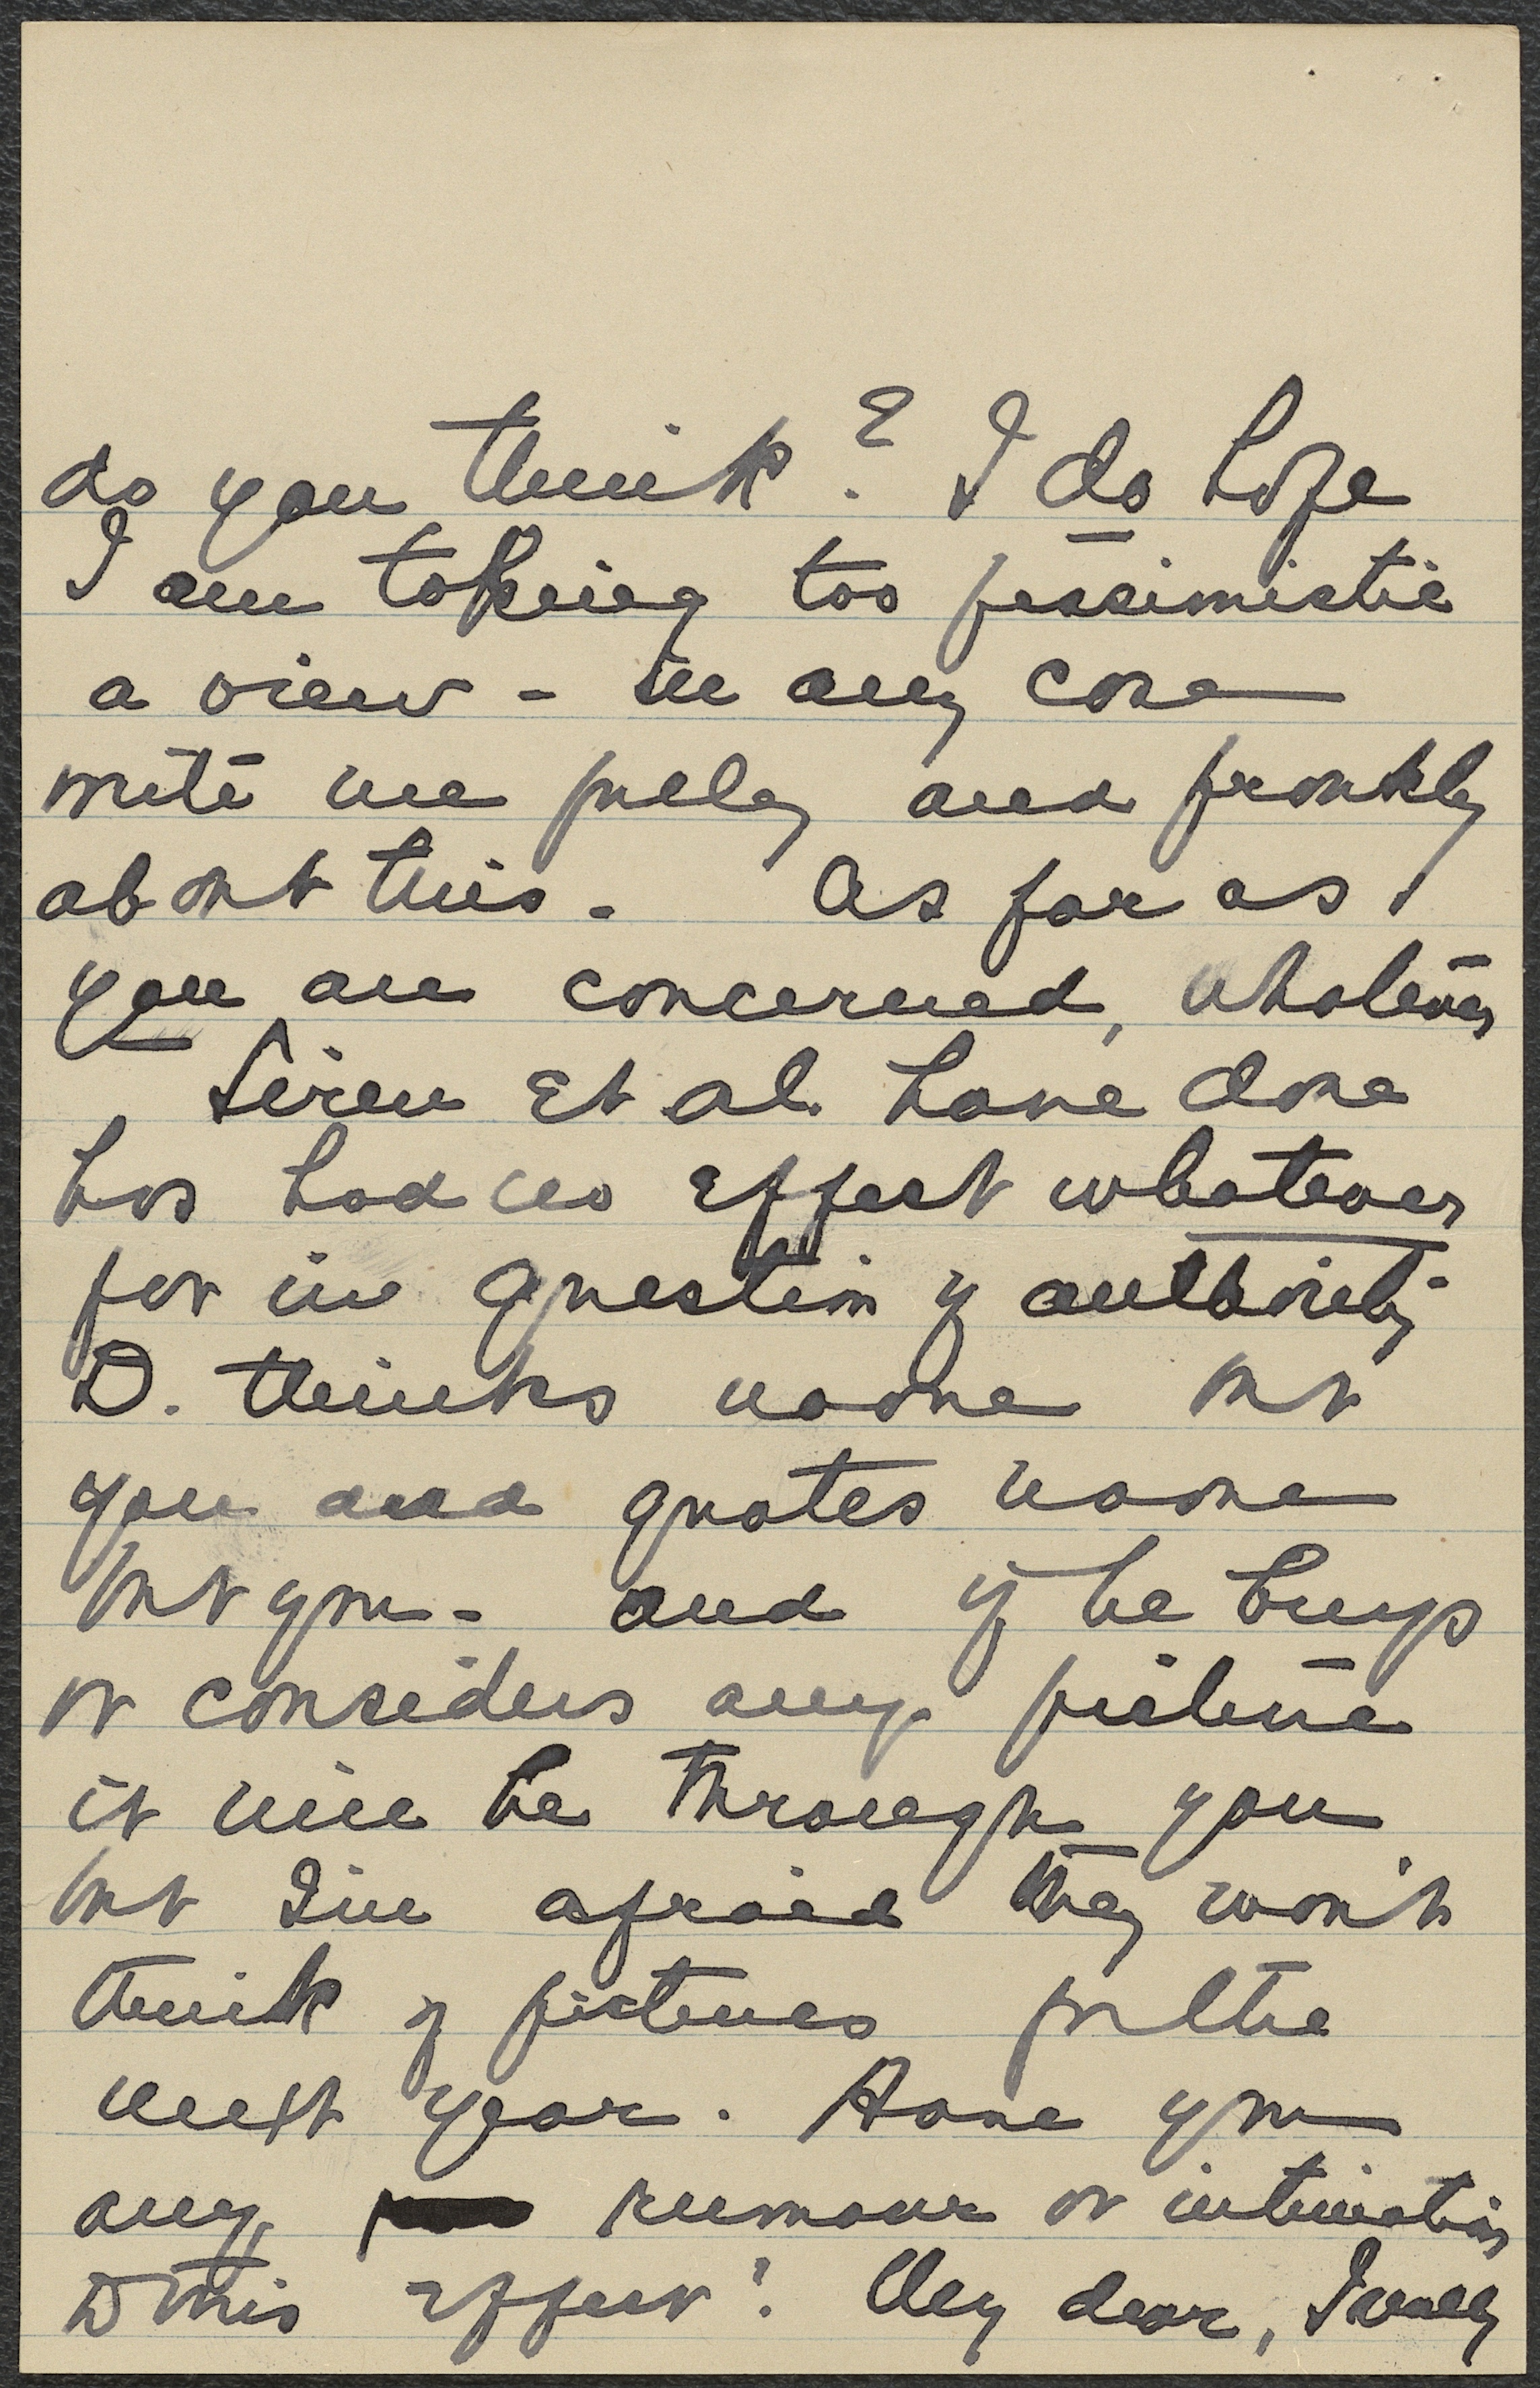do you think? I do hope I am taking too pessimistic a view – in any case write me fully and frankly about this – As far as you are concerned, whatever Siren et al. have done has had no effect whatever for in question of authority D. thinks no one but you and quotes no one but you – and if he buys or considers any picture it will be through you but I’m afraid they won’t think of pictures for the next year. Have you any [illegible deletion] rumour or intimation to this effect? My dear, I really